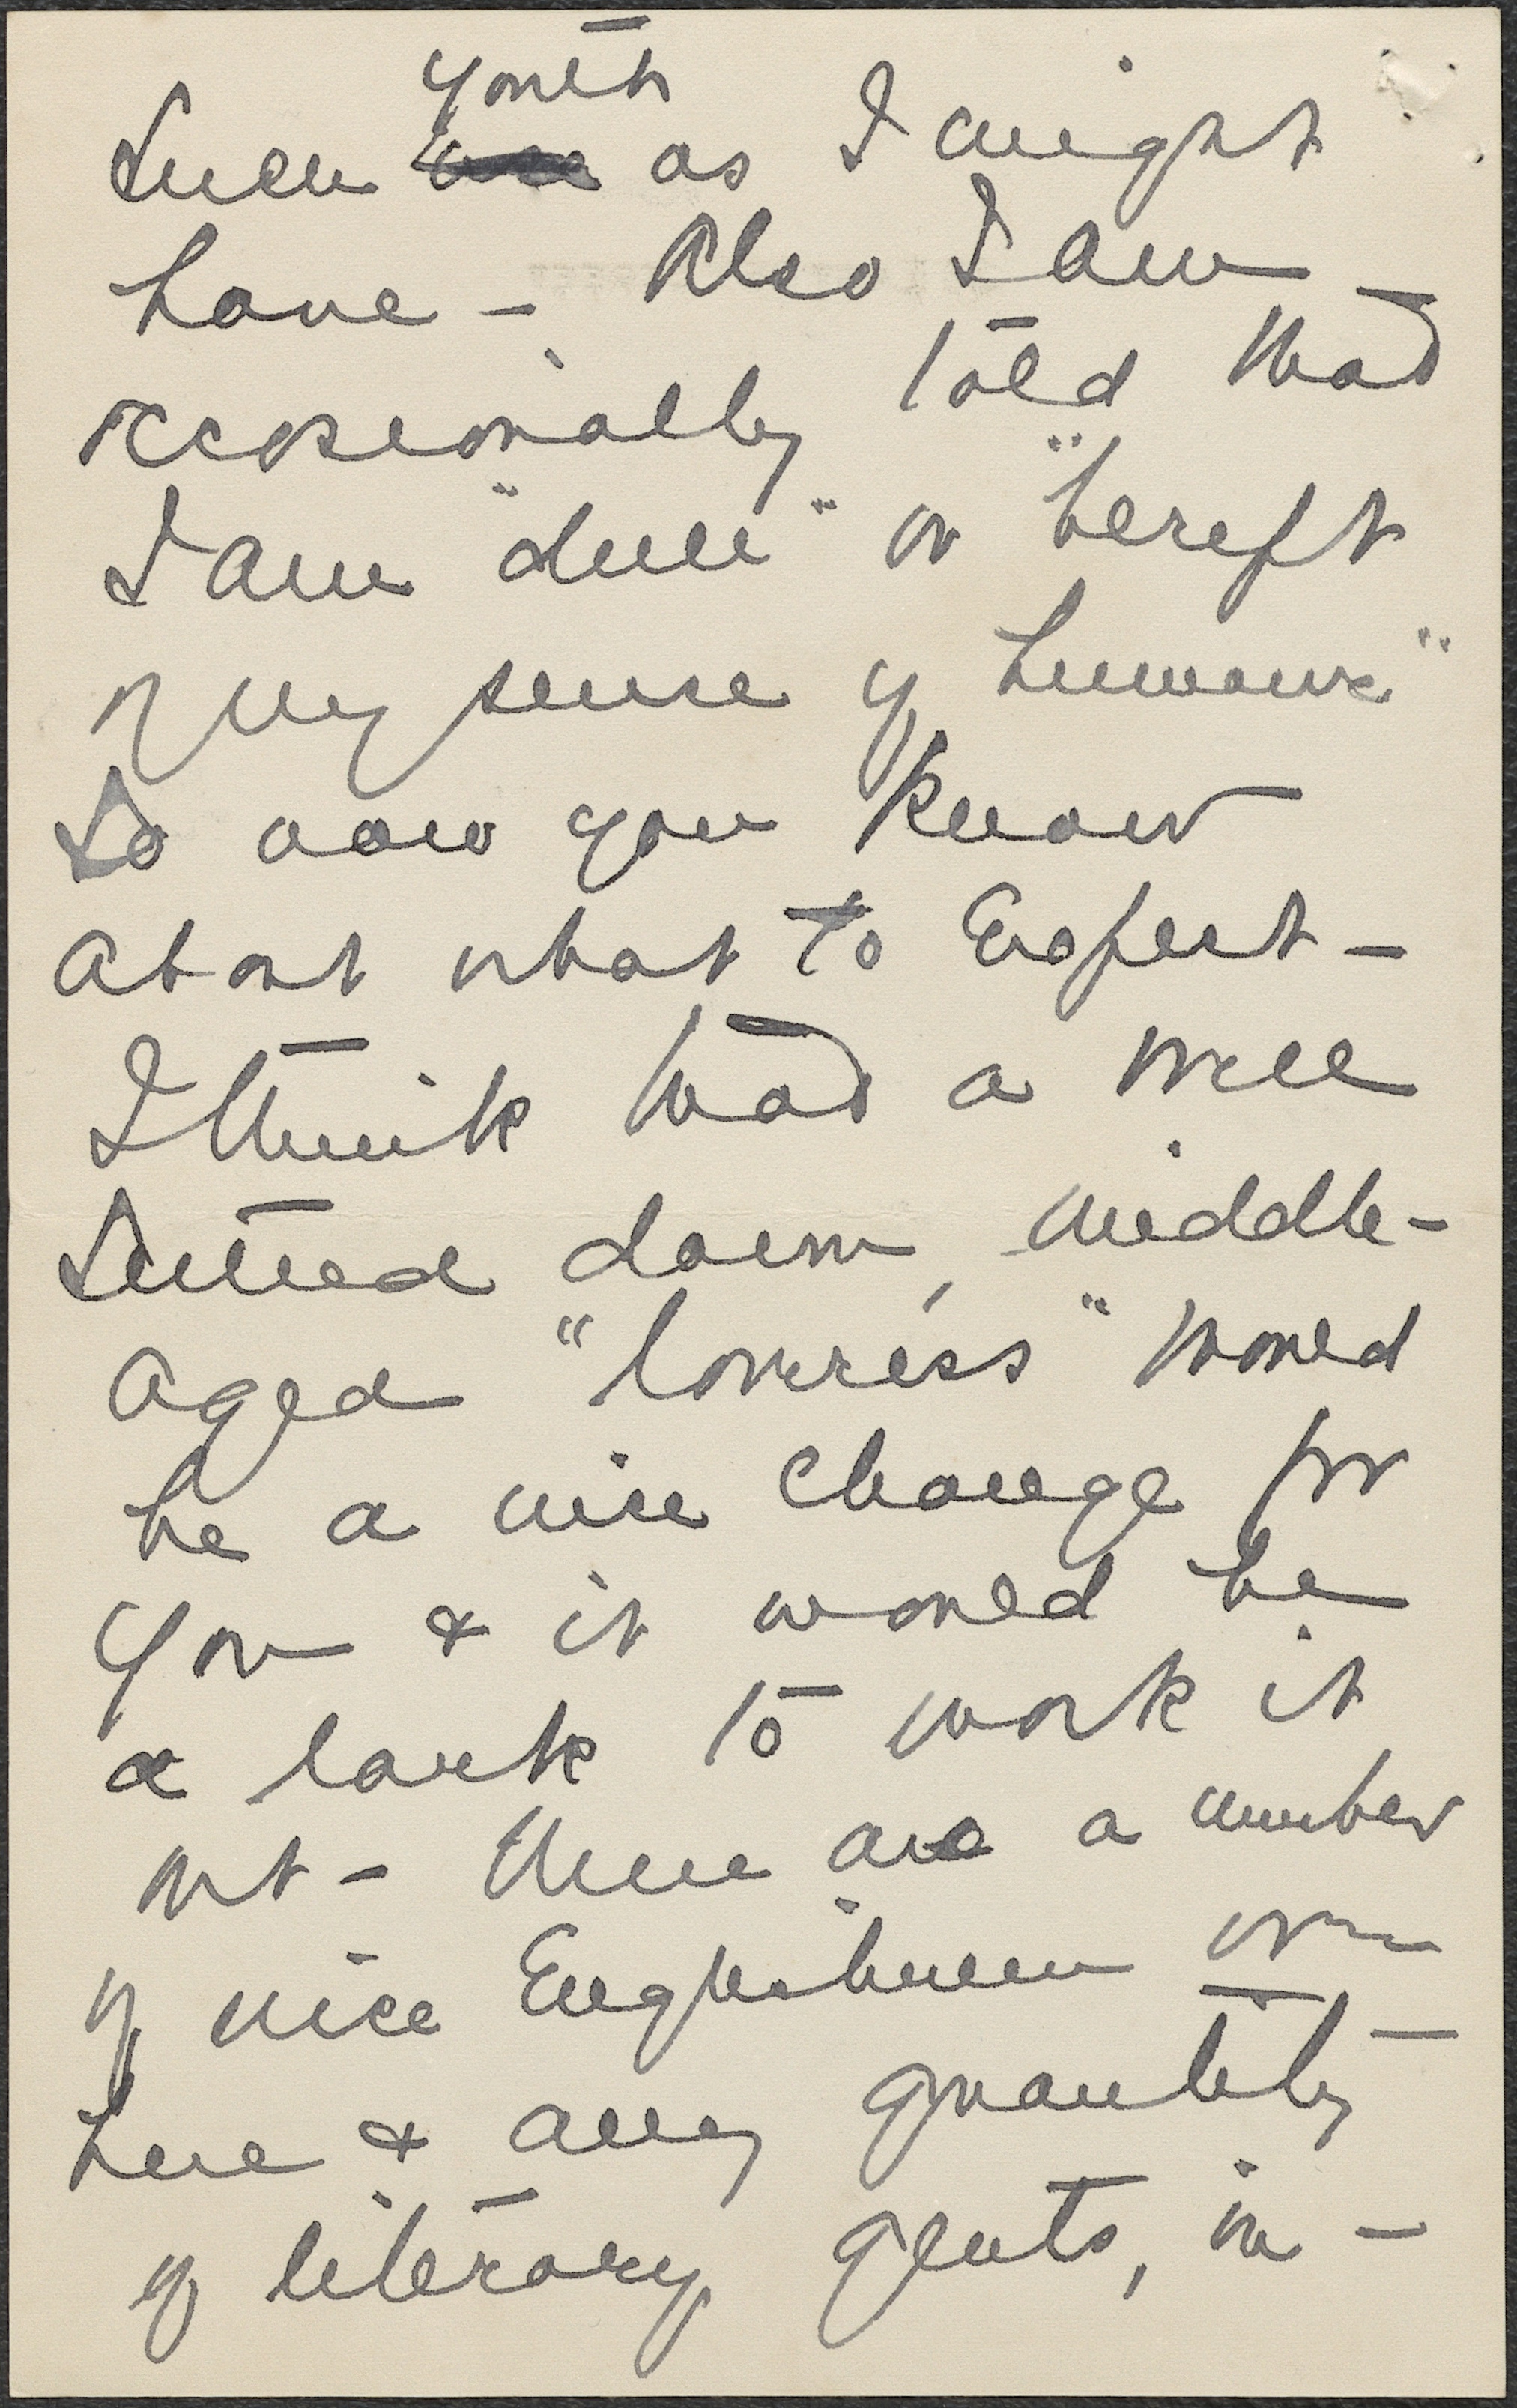such are [^youth^] as I might have – Also I am occasionally told that I am "dull" or "bereft of my sense of humour" So now you know about what to expect –
I think that a well settled down, middle-aged "loveress" would be a nice change for you & it would be a lark to work it out – there are a number of nice Englishmen over here & any quantity of literary gents,